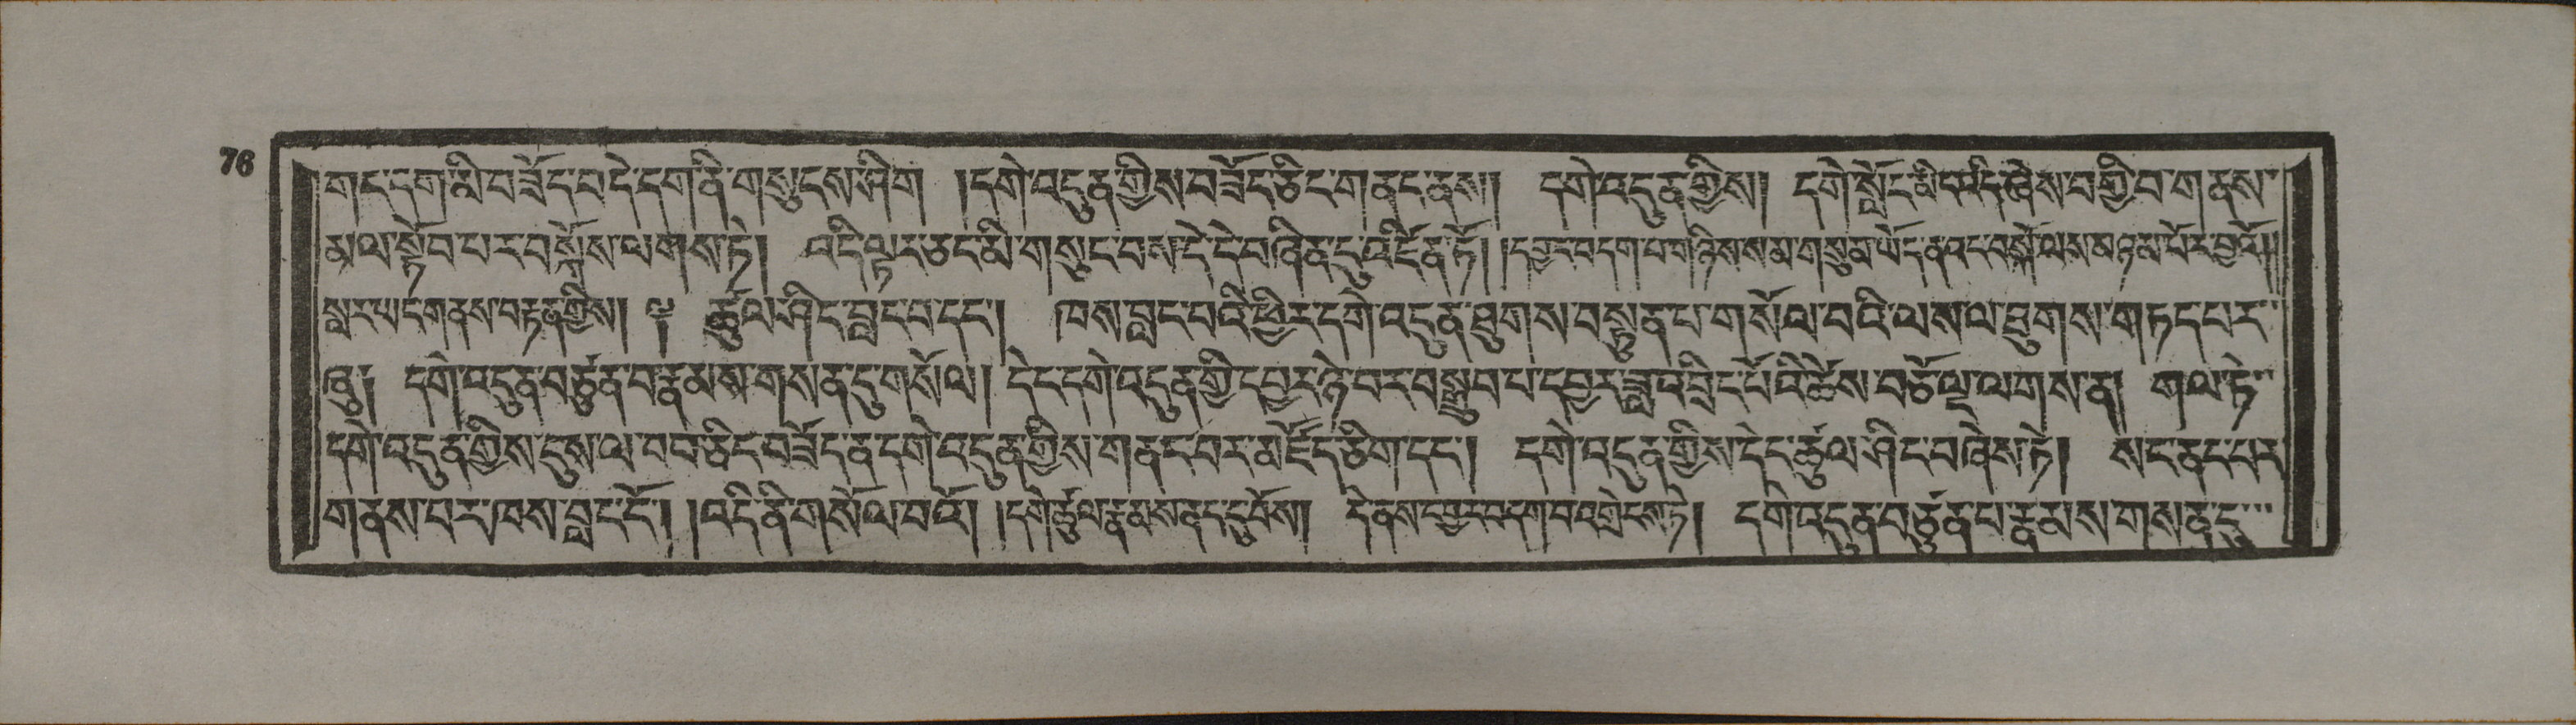གང་དག་མི་བཟོད་བདེ་དག་ནི་གསུངས་ཤིག །དགེ་འདུན་གྱིས་བཟོད་ཅིང་གནང་ནས། དགེ་འདུན་གྱིས། དགེ་སློང་མིང་འདི་ཞེས་བགྱི་བ་གནས་
མལ་སྟོབ་པར་བསྒོས་ལགས་ཏེ། འདི་ལྟར་ཅང་མི་གསུང་བས་དེ་དེ་བཞིན་དུ་འཛིན་ཏོ། །དབྱང་བདག་པ་གཉིས་སམ་གསུམ་ཡོད་ནའང་བསྐོ་ལས་མཉམ་པོར་བྱའོ།།
སླར་ཡང་གནས་བརྟན་གྱིས། ༈ ཚུལ་ཤིང་བླང་བ་དང་། ཁས་བླང་བའི་ཕྱིར་དགེ་འདུན་ཐུགས་བསྟུན་པ་གསོལ་བའི་ལས་ལ་ཐུགས་གཏད་པར་
ཞུ། དགེ་འདུན་བཙུན་པ་རྣམས་གསན་དུ་གསོལ། དེང་དགེ་འདུན་གྱི་དབྱར་ཉེ་བར་བསྒྲུབ་པ་དབྱར་ཟླ་འབྲིང་པོའི་ཚེས་བཅོ་ལྔ་ལགས་ན། གལ་ཏེ་
དགེ་འདུན་གྱིས་དུས་ལ་བབ་ཅིང་བཟོད་ན་དགེ་འདུན་གྱིས་གནང་བར་མཛོད་ཅིག་དང་། དགེ་འདུན་གྱིས་དེང་ཚུལ་ཤིང་བཞེས་ཏེ། སང་ནང་པར་
གནས་པར་ཁས་བླང་ངོ། །འདི་ནི་གསོལ་བའོ། །དགེ་ཚུལ་རྣམས་ནང་དུ་བོས། དེ་ནས་དབྱར་བདག་བ་འགྲེངས་ཏེ། དགེ་འདུན་བཙུན་པ་རྣམས་གསན་དུ་